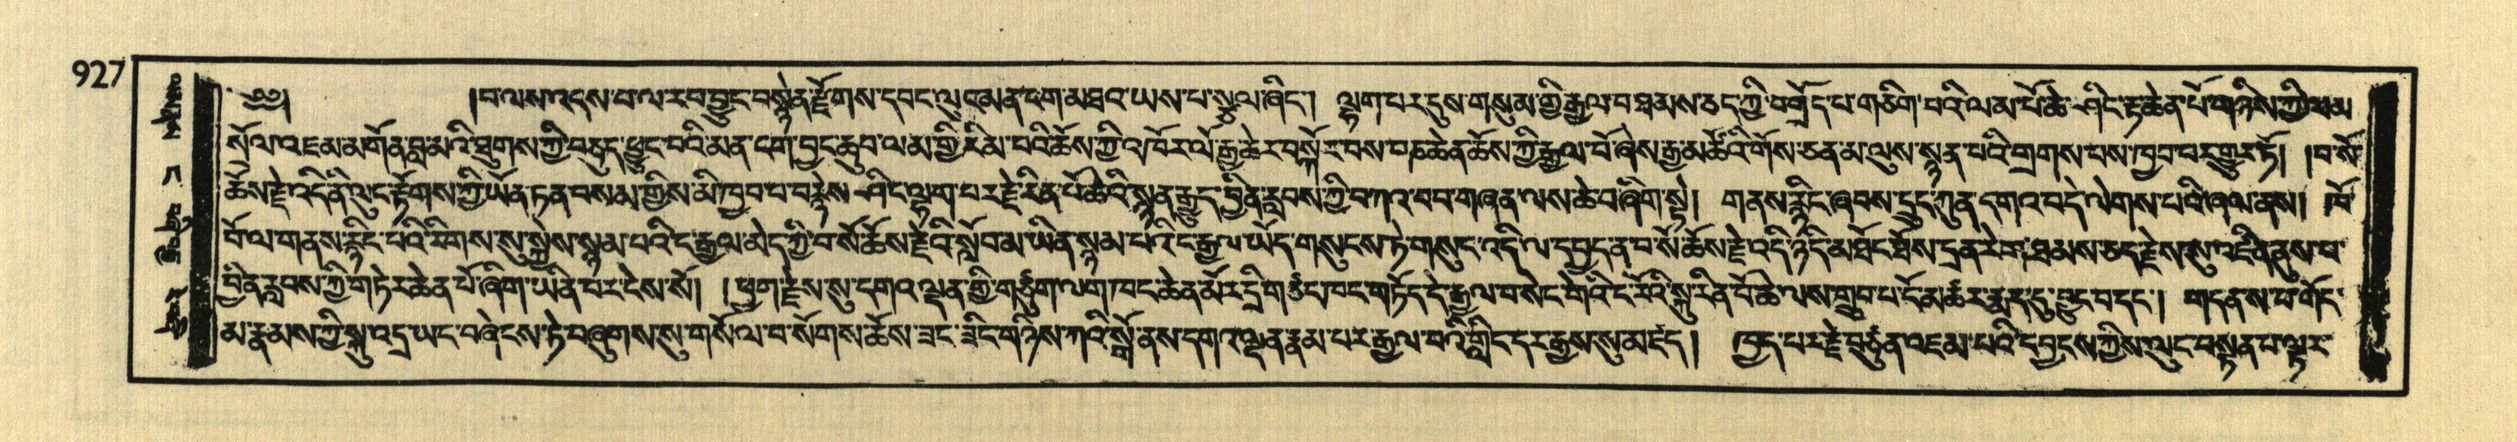༄༅། །བ་ལས་འདས་པ་ལ་རབ་བྱུང་བསྙེན་རྫོགས་དབང་ལུང་མན་ངག་མཐའ་ཡས་པ་སྩལ་ཞིང་། ལྷག་པར་དུས་གསུམ་གྱི་རྒྱལ་བ་ཐམས་ཅད་ཀྱི་བགྲོད་པ་གཅིག་པའི་ལམ་པོ་ཆེ་ཤིང་རྟ་ཆེན་པོ་གཉིས་ཀྱི་ལམ་
སྲོལ་འཇམ་མགོན་བླ་མའི་ཐུགས་ཀྱི་བཅུད་ཕྱུང་བའི་མན་ངག་བྱང་ཆུབ་ལམ་གྱི་རིམ་པའི་ཆོས་ཀྱི་འཁོར་ལོ་རྒྱ་ཆེར་བསྐོར་བ་པཎ་ཆེན་ཆོས་ཀྱི་རྒྱལ་པོ་ཞེས་རྒྱ་མཚོའི་གོས་ཅན་མ་ལུས་སྙན་པའི་གྲགས་པས་ཁྱབ་པར་གྱུར་ཏོ། །བ་སོ་
ཆོས་རྗེ་འདི་ནི་ལུང་རྟོགས་ཀྱི་ཡོན་ཏན་བསམ་གྱིས་མི་ཁྱབ་པ་བརྙེས་ཤིང་ལྷག་པར་རྗེ་རིན་པོ་ཆེའི་སྙན་རྒྱུད་བྱིན་རླབས་ཀྱི་བཀའ་བབ་གཞན་ལས་ཆེ་བ་ཞིག་སྟེ། གནས་རྙིང་ཞབས་དྲུང་ཀུན་དགའ་བདེ་ལེགས་པའི་ཞལ་ནས། ཁོ་
བོ་ལ་གནས་རྙིང་བའི་རིགས་སུ་སྐྱེས་སྙམ་པའི་ང་རྒྱལ་མེད་ཀྱི་བ་སོ་ཆོས་རྗེའི་སློབ་མ་ཡིན་སྙམ་པའི་ང་རྒྱལ་ཡོད་གསུངས་ཏེ་གསུང་འདི་ལ་དབྱད་ན་བ་སོ་ཆོས་རྗེ་འདི་ཉིད་མཐོང་ཐོས་དྲན་རེག་ཐམས་ཅད་རྗེས་སུ་འཛིན་ནུས་བ་
བྱིན་རླབས་ཀྱི་གཏེར་ཆེན་པོ་ཞིག་ཡིན་པར་ངེས་སོ། །ཕྱག་རྗེས་སུ་དགའ་ལྡན་གྱི་གཙུག་ལག་ཁང་ཆེན་མོར་དྲི་གཙང་ཁང་གཏོད་དེ་རྒྱལ་བ་སེང་གེའི་ང་རོའི་སྐུ་རིན་པོ་ཆེ་ལས་གྲུབ་པ་ངོ་མཚར་རྨད་དུ་བྱུང་བ་དང་། གདན་ས་པ་གོང་
མ་རྣམས་ཀྱི་སྐུ་འདྲ་ཡང་བཞེངས་ཏེ་བཞུགས་སུ་གསོལ་བ་སོགས་ཆོས་ཟང་ཟིང་གཉིས་ཀའི་སྒོ་ནས་དགའ་ལྡན་རྣམ་པར་རྒྱལ་བའི་གླིང་དར་རྒྱས་སུ་མཛད། ཁྱད་པར་རྗེ་བཙུན་འཇམ་པའི་དབྱངས་ཀྱིས་ལུང་བསྟན་པ་ལྟར་